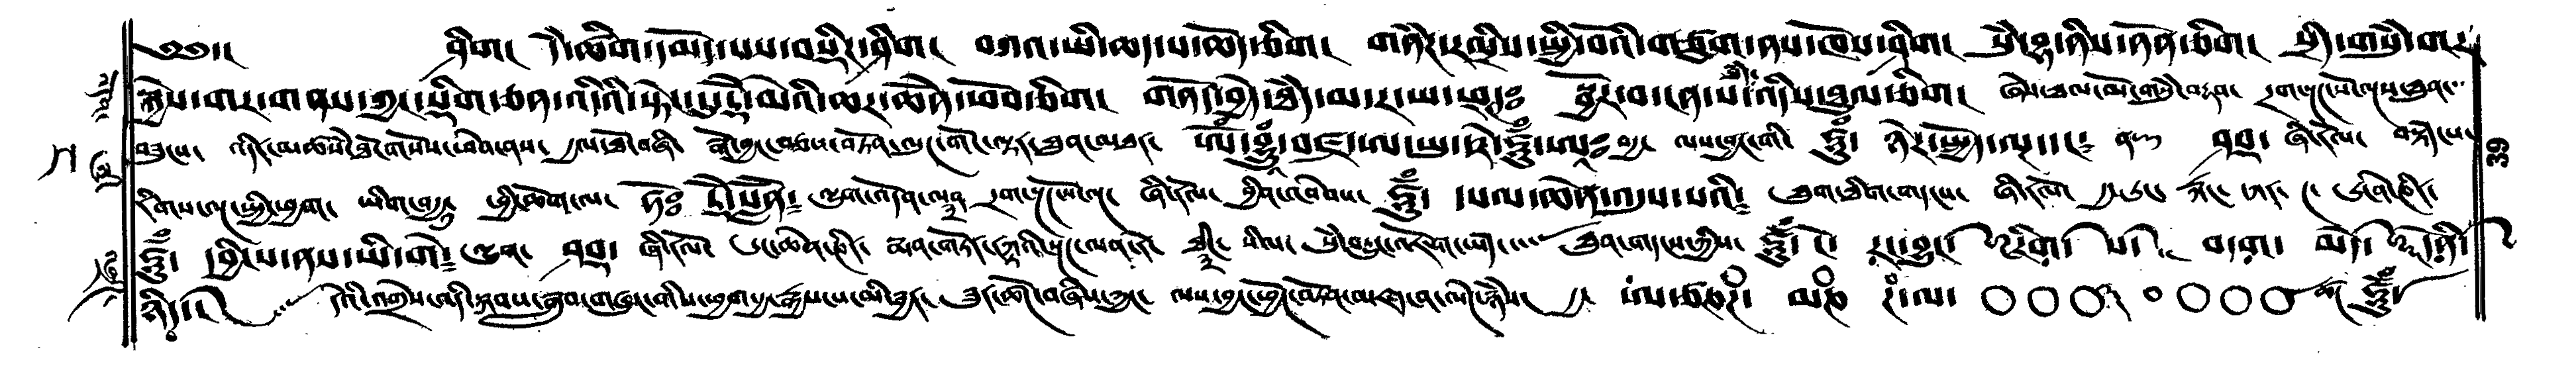ཤིག༔ དམ་ཚིག་དམོད་པས་སྡིགས་ཤིག༔ བཀའ་ཡི་ཆད་པ་ཆོད་ཅིག༔ གནམ་ལྕགས་རལ་གྲིས་སྤྱི་བོའི་གཙུག་ནས་ཁོས་ཤིག༔ སུམ་བྷ་ནིས་ནོན་ཅིག༔ སྲིད་གསུམ་གར་
སྐྱེས་གར་གནས་ཀྱང་སྡིག་ཅན་འདིའི་སྟེང་དུ་རྡོ་རྗེ་མེའི་ཆར་ཆེན་པོ་ཕོབ་ཅིག༔ གནོད་བྱེད་ཐམས་ཅད་མ་ར་ཡ་ཕཊ༔ སྦྱོར་བ་ངན་པ་ཐམས་ཅད་འདིས་ཐུལ་ཅིག༔ ཞེས་ཐལ་མོ་གསུམ་བརྡབ། དྲག་སྔགས་སོ་ལྔས་ཐུན་
ཟུངས། འདིར་མཚམས་ཐོ་གསོ་རུ་ཕེབས་ནས། རྒྱལ་ཐོ་བཞི། སྒོ་བྱང་བཅས་འདོན་ལུགས་གོང་ལྟར། ཐུན་མཐར། ཨོཾ་བྷྲཱུཾ་བཛྲ་ཨ་ཡུ་རེ་ཧཱུྃ་ཨཱཿ བརྒྱ། ལས་བྱང་གི ཧཱུཾཿ ཉེར་སྤྱོད་ལྔ་དང༴ ནས། ཤབྡ། ཞི་རོལ། བསྟོད་པ། 
རིགས་ལྔ་སྤྱི་ཕྱག ཡིག་བརྒྱ་གཅིག ཕྱི་ཆོག་ལ། ཧོཿ རྡོ་རྗེ་སློབ་དཔོན༴ ལྷུག་འདོན་ལན་གསུམ། དྲག་སྔགས་སོ་ལྔ། ཞི་རོལ། བྱིན་འབེབས། ཧཱུྃཿ དཔལ་ཆེན་འདུས་པའི༴ ཐུགས་ཐིག་གདངས། ཞི་རོལ། རྒྱ། དུང་། རྐང་། དཀར། རྔ། དུང་ཆེན་ཎིར། 
ཧཱུྃཿ དབྱིངས་ནས་ཡི་གེ༴ལྷུག། ཤབྡཿ ཞི་རོལ། དུང་ཆེན་ཎིར། སྨན་གཏོར་རཀྟའི་སྔགས་ལན་རེ། ཐིང་གསུམ། སིལ། སུམ་རྡུང་འཇོག་ཡོད། ཐུན་གདངས་ཀྱིས། ཧཱུྃཿ ངོ་ རང་བྱུང་ རིག པ་བདག་མེད་དེ་བཞིན་
ཉིད། དེའི་འགྲེ། འདི་སྐབས་སྒྲུབ་གཞུང་གི་ཕྱག་རྒྱ་རྒྱས་པ་མི་སྦྱར། ཟུར་ཚོགས་བཞིས་ཀྱང་། ལས་བྱང་ཕྱོགས་བཏོན་མཛད་ན་ལེགས་སྙམ། རྒྱ། ཨ་ཙཎྜཱ་ མཎ་ ཌ་ལ་ཚགས། ཧཱུྃཿ